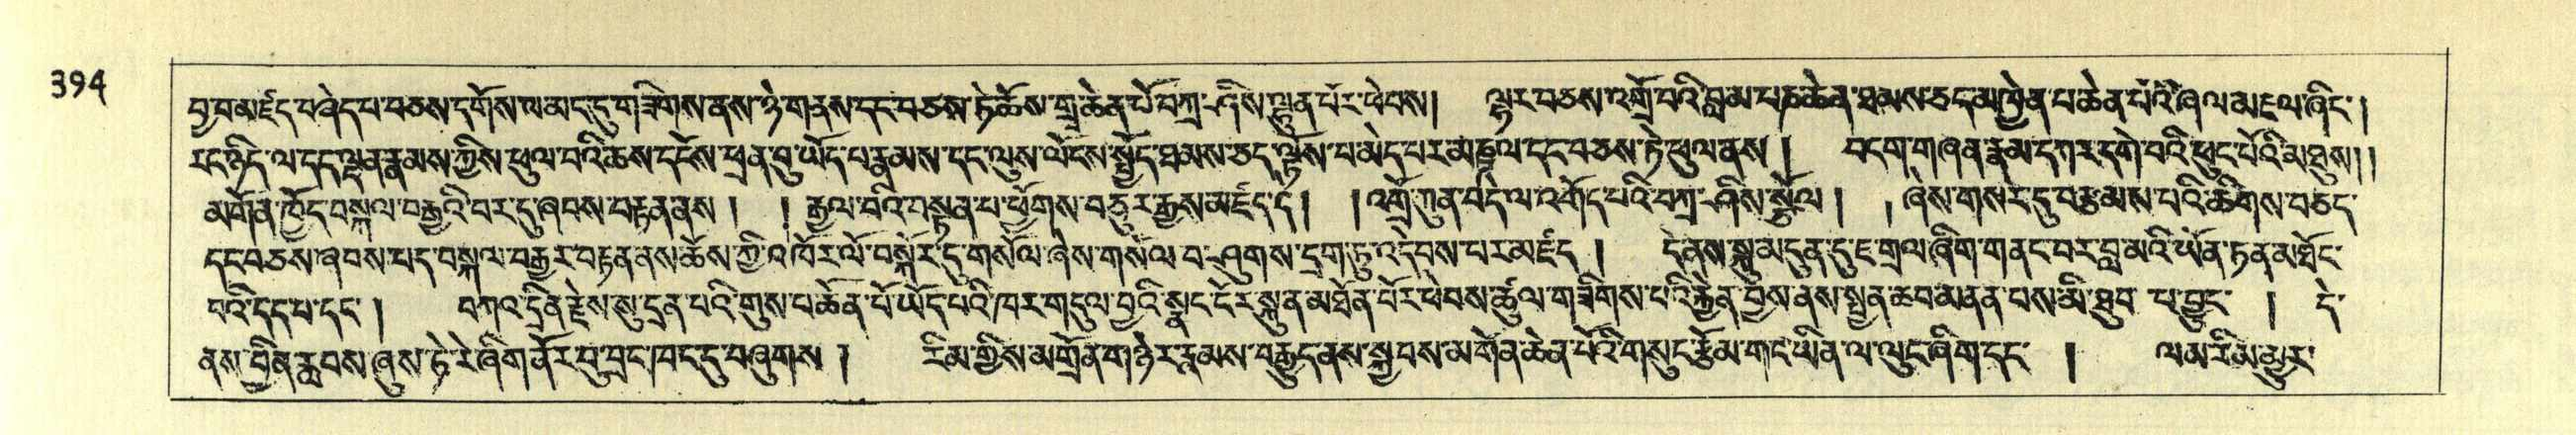བྱ་བ་མཛད་བཞེད་པ་བཅས་དགོས་ལ་མང་དུ་གཟིགས་ནས་ཉེ་གནས་དང་བཅས་ཏེ་ཆོས་གྲྭ་ཆེན་པོ་བཀྲ་ཤིས་ལྷུན་པོར་ཕེབས། ལྷར་བཅས་འགྲོ་བའི་བླ་མ་པཎ་ཆེན་ཐམས་ཅད་མཁྱེན་པ་ཆེན་པོའི་ཞལ་མཇལ་ཞིང་།
རང་ཉིད་ལ་དད་ལྡན་རྣམས་ཀྱིས་ཕུལ་བའི་ཆས་དངོས་ཕྲན་བུ་ཡོད་པ་རྣམས་དང་ལུས་ལོངས་སྤྱོད་ཐམས་ཅད་ལྟོས་པ་མེད་པར་མཎྜལ་དང་བཅས་ཏེ་ཕུལ་ནས། བདག་གཞན་རྣམ་དཀར་དགེ་བའི་ཕུང་པོའི་མཐུས། །
མགོན་ཁྱོད་བསྐལ་བརྒྱའི་བར་དུ་ཞབས་བརྟན་ནས། །རྒྱལ་བའི་བསྟན་པ་ཕྱོགས་བཅུར་རྒྱས་མཛད་དེ། །འགྲོ་ཀུན་བདེ་ལ་འགོད་པའི་བཀྲ་ཤིས་སྩོལ། །ཞེས་གསར་དུ་བརྩམས་པའི་ཚིགས་བཅད་
དང་བཅས་ཞབས་པད་བསྐལ་བརྒྱར་བརྟན་ནས་ཆོས་ཀྱི་འཁོར་ལོ་བསྐོར་དུ་གསོལ་ཞེས་གསོལ་བ་ཤུགས་དྲག་ཏུ་འདེབས་པར་མཛད། དེ་ནས་སྐུ་མདུན་དུ་ཇ་གྲལ་ཞིག་གནང་བར་བླ་མའི་ཡོན་ཏན་མཐོང་
བའི་དད་པ་དང་། བཀའ་དྲིན་རྗེས་སུ་དྲན་པའི་གུས་པ་ཆེན་པོ་ཡོད་པའི་ཁར་གདུལ་བྱའི་སྣང་ངོར་སྐུ་ན་མཐོན་པོར་ཕེབས་ཚུལ་གཟིགས་པའི་རྐྱེན་བྱས་ནས་སྤྱན་ཆབ་མནན་པས་མི་ཐུབ་པ་བྱུང་། དེ་
ནས་བྱིན་རླབས་ཞུས་ཧེ་རེ་ཞིག་ནོར་བུ་བྲང་ཁང་དུ་བཞུགས་། རིམ་གྱིས་མགྲོན་གཉེར་རྣམས་བརྒྱུད་ནས་སྐྱབས་མགོན་ཆེན་པོའི་གསུང་རྩོམ་གང་ཡིན་ལ་ལུང་ཞིག་དང་། ལམ་རིམ་མྱུར།